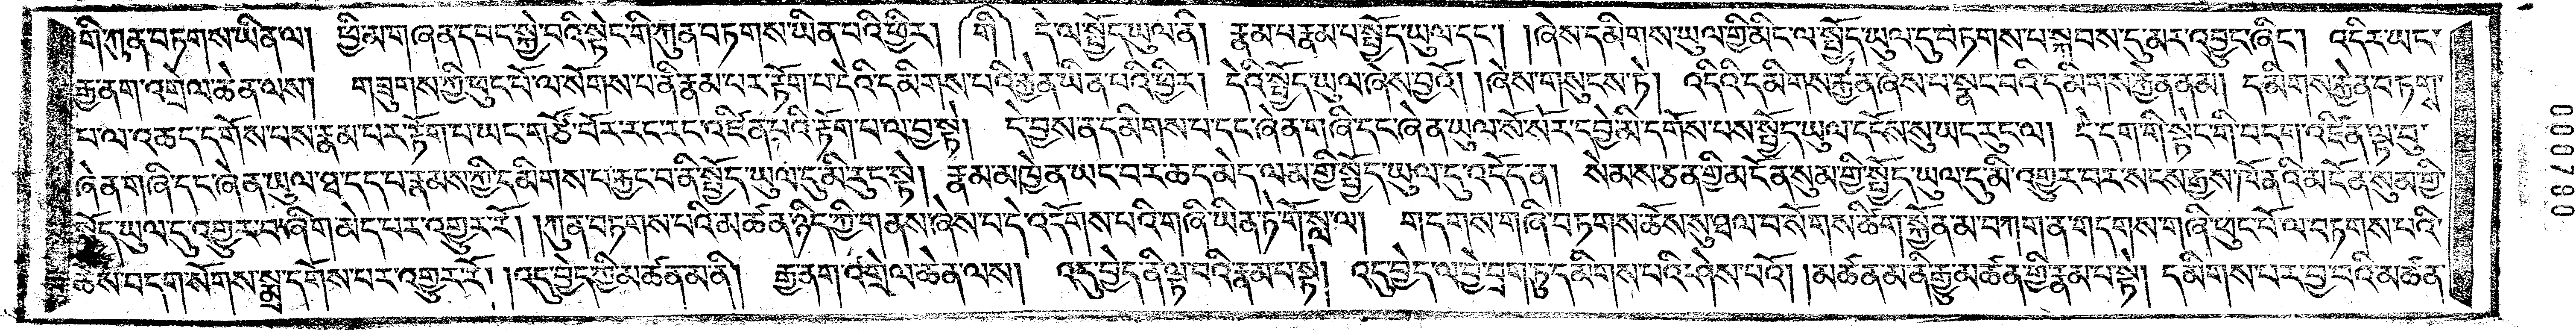གི་ཀུན་བཏགས་ཡིན་ལ། ཕྱི་མ་གཞན་དབང་སྐྱེ་བའི་སྟེང་གི་ཀུན་བཏགས་ཡིན་པའི་ཕྱིར། ༼གི༽ དེ་ལ་སྤྱོད་ཡུལ་ནི། རྣམ་པ་རྣམ་པ་སྤྱོད་ཡུལ་དང་། །ཞེས་དམིགས་ཡུལ་གྱི་མིང་ལ་སྤྱོད་ཡུལ་དུ་བཏགས་པ་སྐབས་དུ་མར་འབྱུང་ཞིང་། འདིར་ཡང་
རྒྱ་ནག་འགྲེལ་ཆེན་ལས། གཟུགས་ཀྱི་ཕུང་པོ་ལ་སོགས་པ་ནི་རྣམ་པར་རྟོག་པ་དེའི་དམིགས་པའི་རྐྱེན་ཡིན་པའི་ཕྱིར། དེའི་སྤྱོད་ཡུལ་ཞེས་བྱའོ། །ཞེས་གསུངས་ཏེ། འདིའི་དམིགས་རྐྱེན་ཞེས་པ་སྣང་བའི་དམིགས་རྐྱེན་ནམ། དམིགས་རྐྱེན་བཏགས་
པ་ལ་འཆད་དགོས་པས་རྣམ་པར་རྟོག་པ་ཡང་གཙོ་བོར་རང་རང་འཛིན་པའི་རྟོག་པ་ལ་བྱ་སྟེ། དེ་བྱས་ན་དམིགས་པ་དང་ཞེན་གཞི་དང་ཞེན་ཡུལ་སོ་སོར་དབྱེ་མི་དགོས་པས་སྤྱོད་ཡུལ་དངོས་སུ་ཡང་རུང་ལ། དེ་དག་གི་སྟེང་གི་བདག་འཛིན་ལྟ་བུ་
ཞེན་གཞི་དང་ཞེན་ཡུལ་ཐ་དད་པ་རྣམས་ཀྱི་དམིགས་པ་རྐྱང་བ་ནི་སྤྱོད་ཡུལ་དུ་མི་རུང་སྟེ། རྣམ་མཁྱེན་ཡང་བར་ཆད་མེད་ལམ་གྱི་སྤྱོད་ཡུལ་དུ་འདོད་ན། སེམས་ཅན་གྱི་མངོན་སུམ་གྱི་སྤྱོད་ཡུལ་དུ་མི་འགྱུར་བར་སངས་རྒྱས་ཁོ་ནའི་མངོན་སུམ་གྱི་
སྤྱོད་ཡུལ་དུ་འགྱུར་བ་ཞིག་མེད་པར་འགྱུར་རོ། །ཀུན་བཏགས་པའི་མཚན་ཉིད་ཀྱི་གནས་ཞེས་པ་དེ་འདོགས་པའི་གཞི་ཡིན་ཏེ་གོ་སླ་ལ། གདགས་གཞི་བཏགས་ཆོས་སུ་ཐལ་བ་སོགས་ཚིག་སྐྱོན་མ་བཀག་ན་གདགས་གཞི་ཕུང་པོ་ལ་བཏགས་པའི་
ཆོས་བདག་སོགས་སྨྲ་དགོས་པར་འགྱུར་རོ། །འདུ་བྱེད་ཀྱི་མཚན་མ་ནི། རྒྱ་ནག་འགྲེལ་ཆེན་ལས། འདུ་བྱེད་ནི་ལྟ་བའི་རྣམ་པ་སྟེ། འདུ་བྱེད་ལ་བྱེ་བྲག་ཏུ་དམིགས་པའི་ཤེས་པའོ། །མཚན་མ་ནི་རྒྱུ་མཚན་གྱི་རྣམ་པ་སྟེ། དམིགས་པར་བྱ་བའི་མཚན་